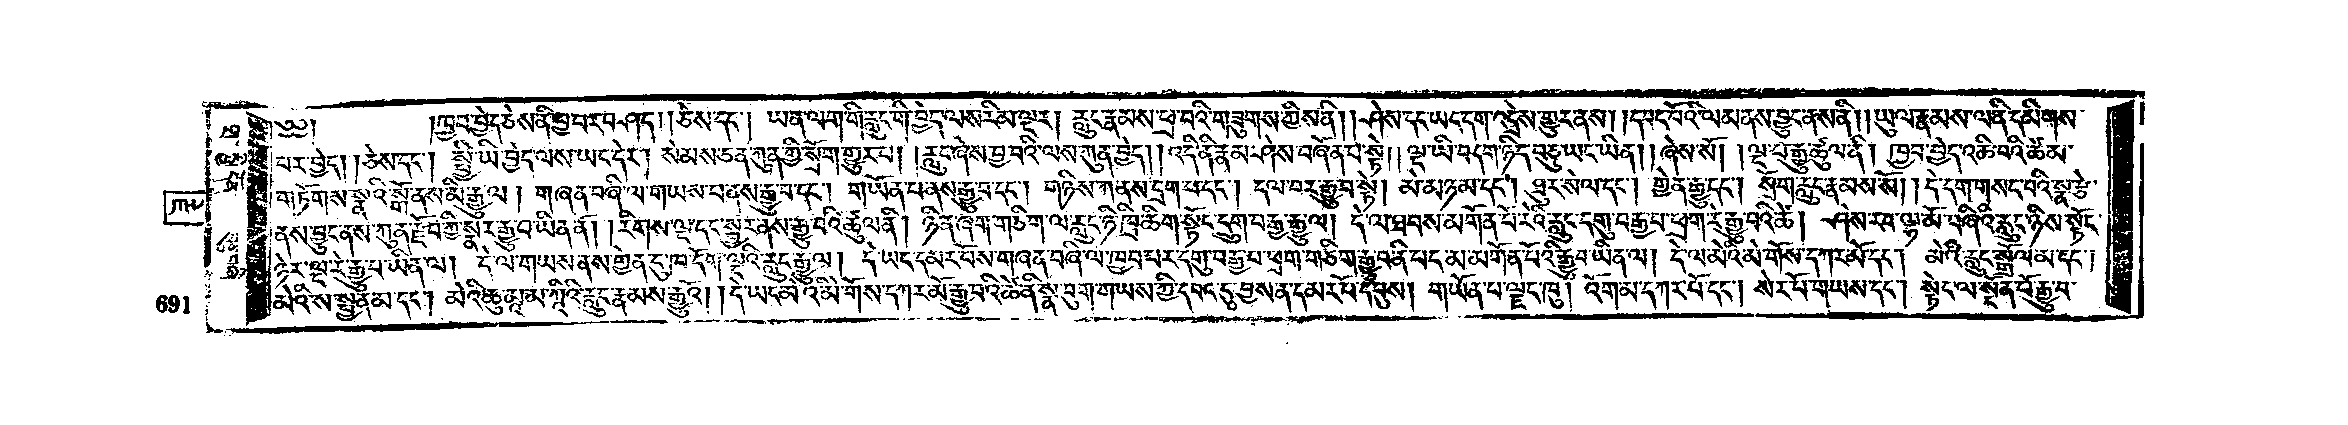༄༅། །ཁྱབ་བྱེད་ཅེས་ནི་བྱ་བར་བཤད། །ཅེས་དང་། ཡན་ལག་གི་རླུང་གི་བྱེད་ལས་རིམ་ལྔར། རླུང་རྣམས་ཕྲ་བའི་གཟུགས་ཀྱིས་ནི། །ཤེས་དང་ཡང་དག་འདྲེས་གྱུར་ནས། །དབང་པོའི་ལམ་ནས་བྱུང་ནས་ནི། །ཡུལ་རྣམས་ལ་ནི་དམིགས་
པར་བྱེད། །ཅེས་དང་། སྤྱི་ཡི་བྱེད་ལས་ཡང་དེར། སེམས་ཅན་ཀུན་གྱི་སྲོག་གྱུར་པ། །རླུང་ཞེས་བྱ་བའི་ལས་ཀུན་བྱེད། །འདི་ནི་རྣམ་ཤེས་བཞོན་པ་སྟེ། །ལྔ་ཡི་བདག་ཉིད་བཅུ་ཡང་ཡིན། །ཞེས་སོ། །ལྔ་པ་རྒྱུ་ཚུལ་ནི། ཁྱབ་བྱེད་འཆི་བའི་ཚམ་
གཏོགས་སྣའི་སྒོ་ནས་མི་རྒྱུ་ལ། གཞན་བཞི་ལ་གཡས་པ་ནས་རྒྱུ་བ་དང་། གཡོན་པ་ནས་རྒྱུ་བ་དང་། གཉིས་ཀ་ནས་དྲག་པ་དང་། དལ་བར་རྒྱུ་བ་སྟེ། མེ་མཉམ་དང་། ཐུར་སེལ་དང་། གྱེན་རྒྱུ་དང་། སྲོག་རླུང་རྣམས་སོ། །དེ་དག་གསང་བའི་སྣ་རྩེ་
ནས་བྱུང་ནས་ཀུན་རྫོབ་ཀྱི་སྣར་རྒྱུ་བ་ཡིན་ནོ། །རིགས་ལྔ་དང་སྦྱར་ནས་རྒྱུ་བའི་ཚུལ་ནི། ཉིན་ཞག་གཅིག་ལ་རླུང་ཉི་ཁྲི་ཆིག་སྟོང་དྲུག་བརྒྱ་རྒྱུ་ལ། དེ་ལ་ཐབས་མགོན་པོ་རེའི་རླུང་དགུ་བརྒྱ་བ་ཕྲག་རེ་རྒྱུ་བའི་ཚེ། ཤེས་རབ་ལྷ་མོ་བཞིའི་རླུང་ཉིས་སྟོང་
ཉེར་ལྔ་རེ་རྒྱུ་པ་ཡིན་ལ། དེ་ལ་གཡས་ནས་གྱེན་དུ་ཁ་དོག་ལྔའི་རླུང་རྒྱུ་ལ། དེ་ཡང་དམར་པོས་གཞན་བཞི་ལ་ཁྱབ་པར་དགུ་བརྒྱ་པ་ཕྲག་གཅིག་རྒྱུ་བ་ནི་པད་མ་མགོན་པོའི་རྒྱུ་བ་ཡིན་ལ། དེ་ལ་མེའི་མེ་གོས་དཀར་མོ་དང་། མེའི་རླུང་སྒྲོལ་མ་དང་།
མེའི་ས་སྤྱན་མ་དང་། མེའི་ཆུ་མཱ་མ་ཀཱིའི་རླུང་རྣམས་རྒྱུའོ། །དེ་ཡང་མེའི་མེ་གོས་དཀར་མོ་རྒྱུ་བའི་ཚེ་ནི་སྣ་བུག་གཡས་ཀྱི་དབང་དུ་བྱས་ན་དམར་པོ་དབུས། གཡོན་པ་ལྗང་ཁུ། འོག་མ་དཀར་པོ་དང་། སེར་པོ་གཡས་དང་། སྟེང་ལ་སྔོན་པོ་རྒྱུ་བ་